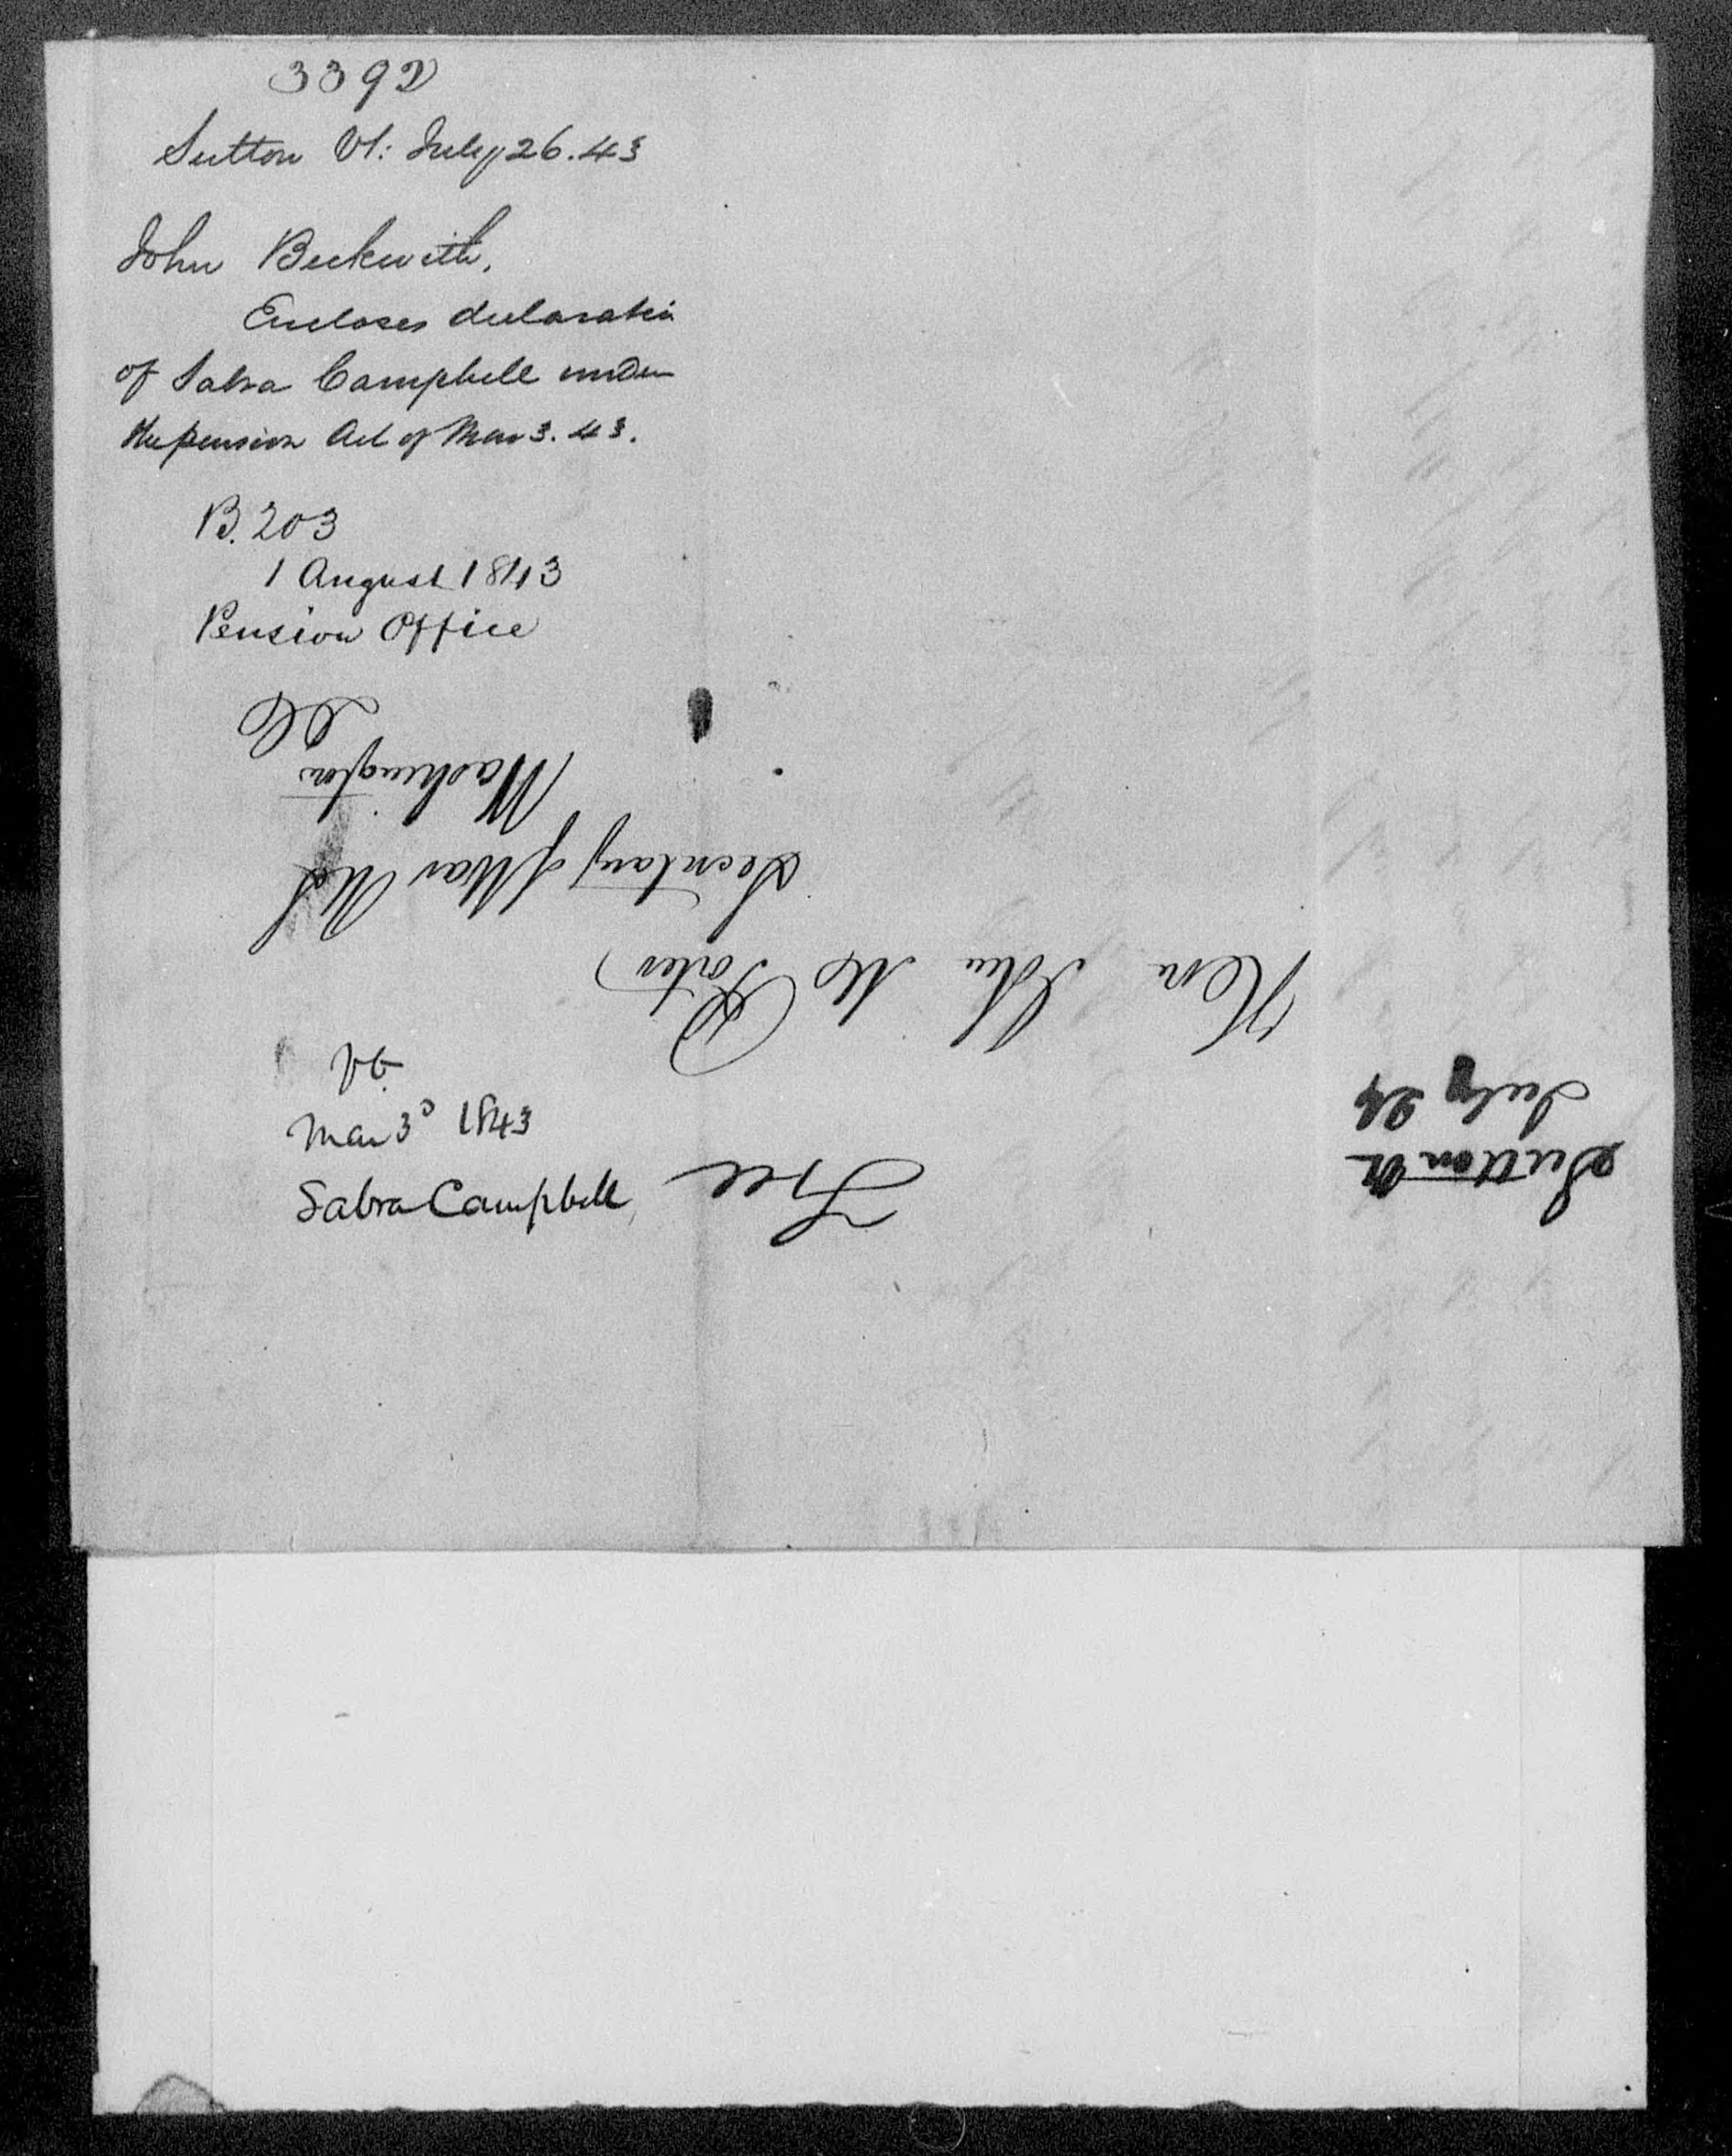3392
Sutton Vt: July 26.43

John Beckwith
Encloses declaration
of Sabra Campbell under
the pension Act of Mar 3. 43.

B. 203
1 August 1843
Pension Office


Vt
Mar 3d 1843
Sabra Campbell



(Written upside down:)
Sutton Vt
July [illegible]

Hon John M Porter
Secretary of War US
Washington
DC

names: Sabra Campbell, Sabra Campbell, John M Porter, John Beckwith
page: 36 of 67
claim: widow's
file: W. 23772, James Campbell, Continental Mass.